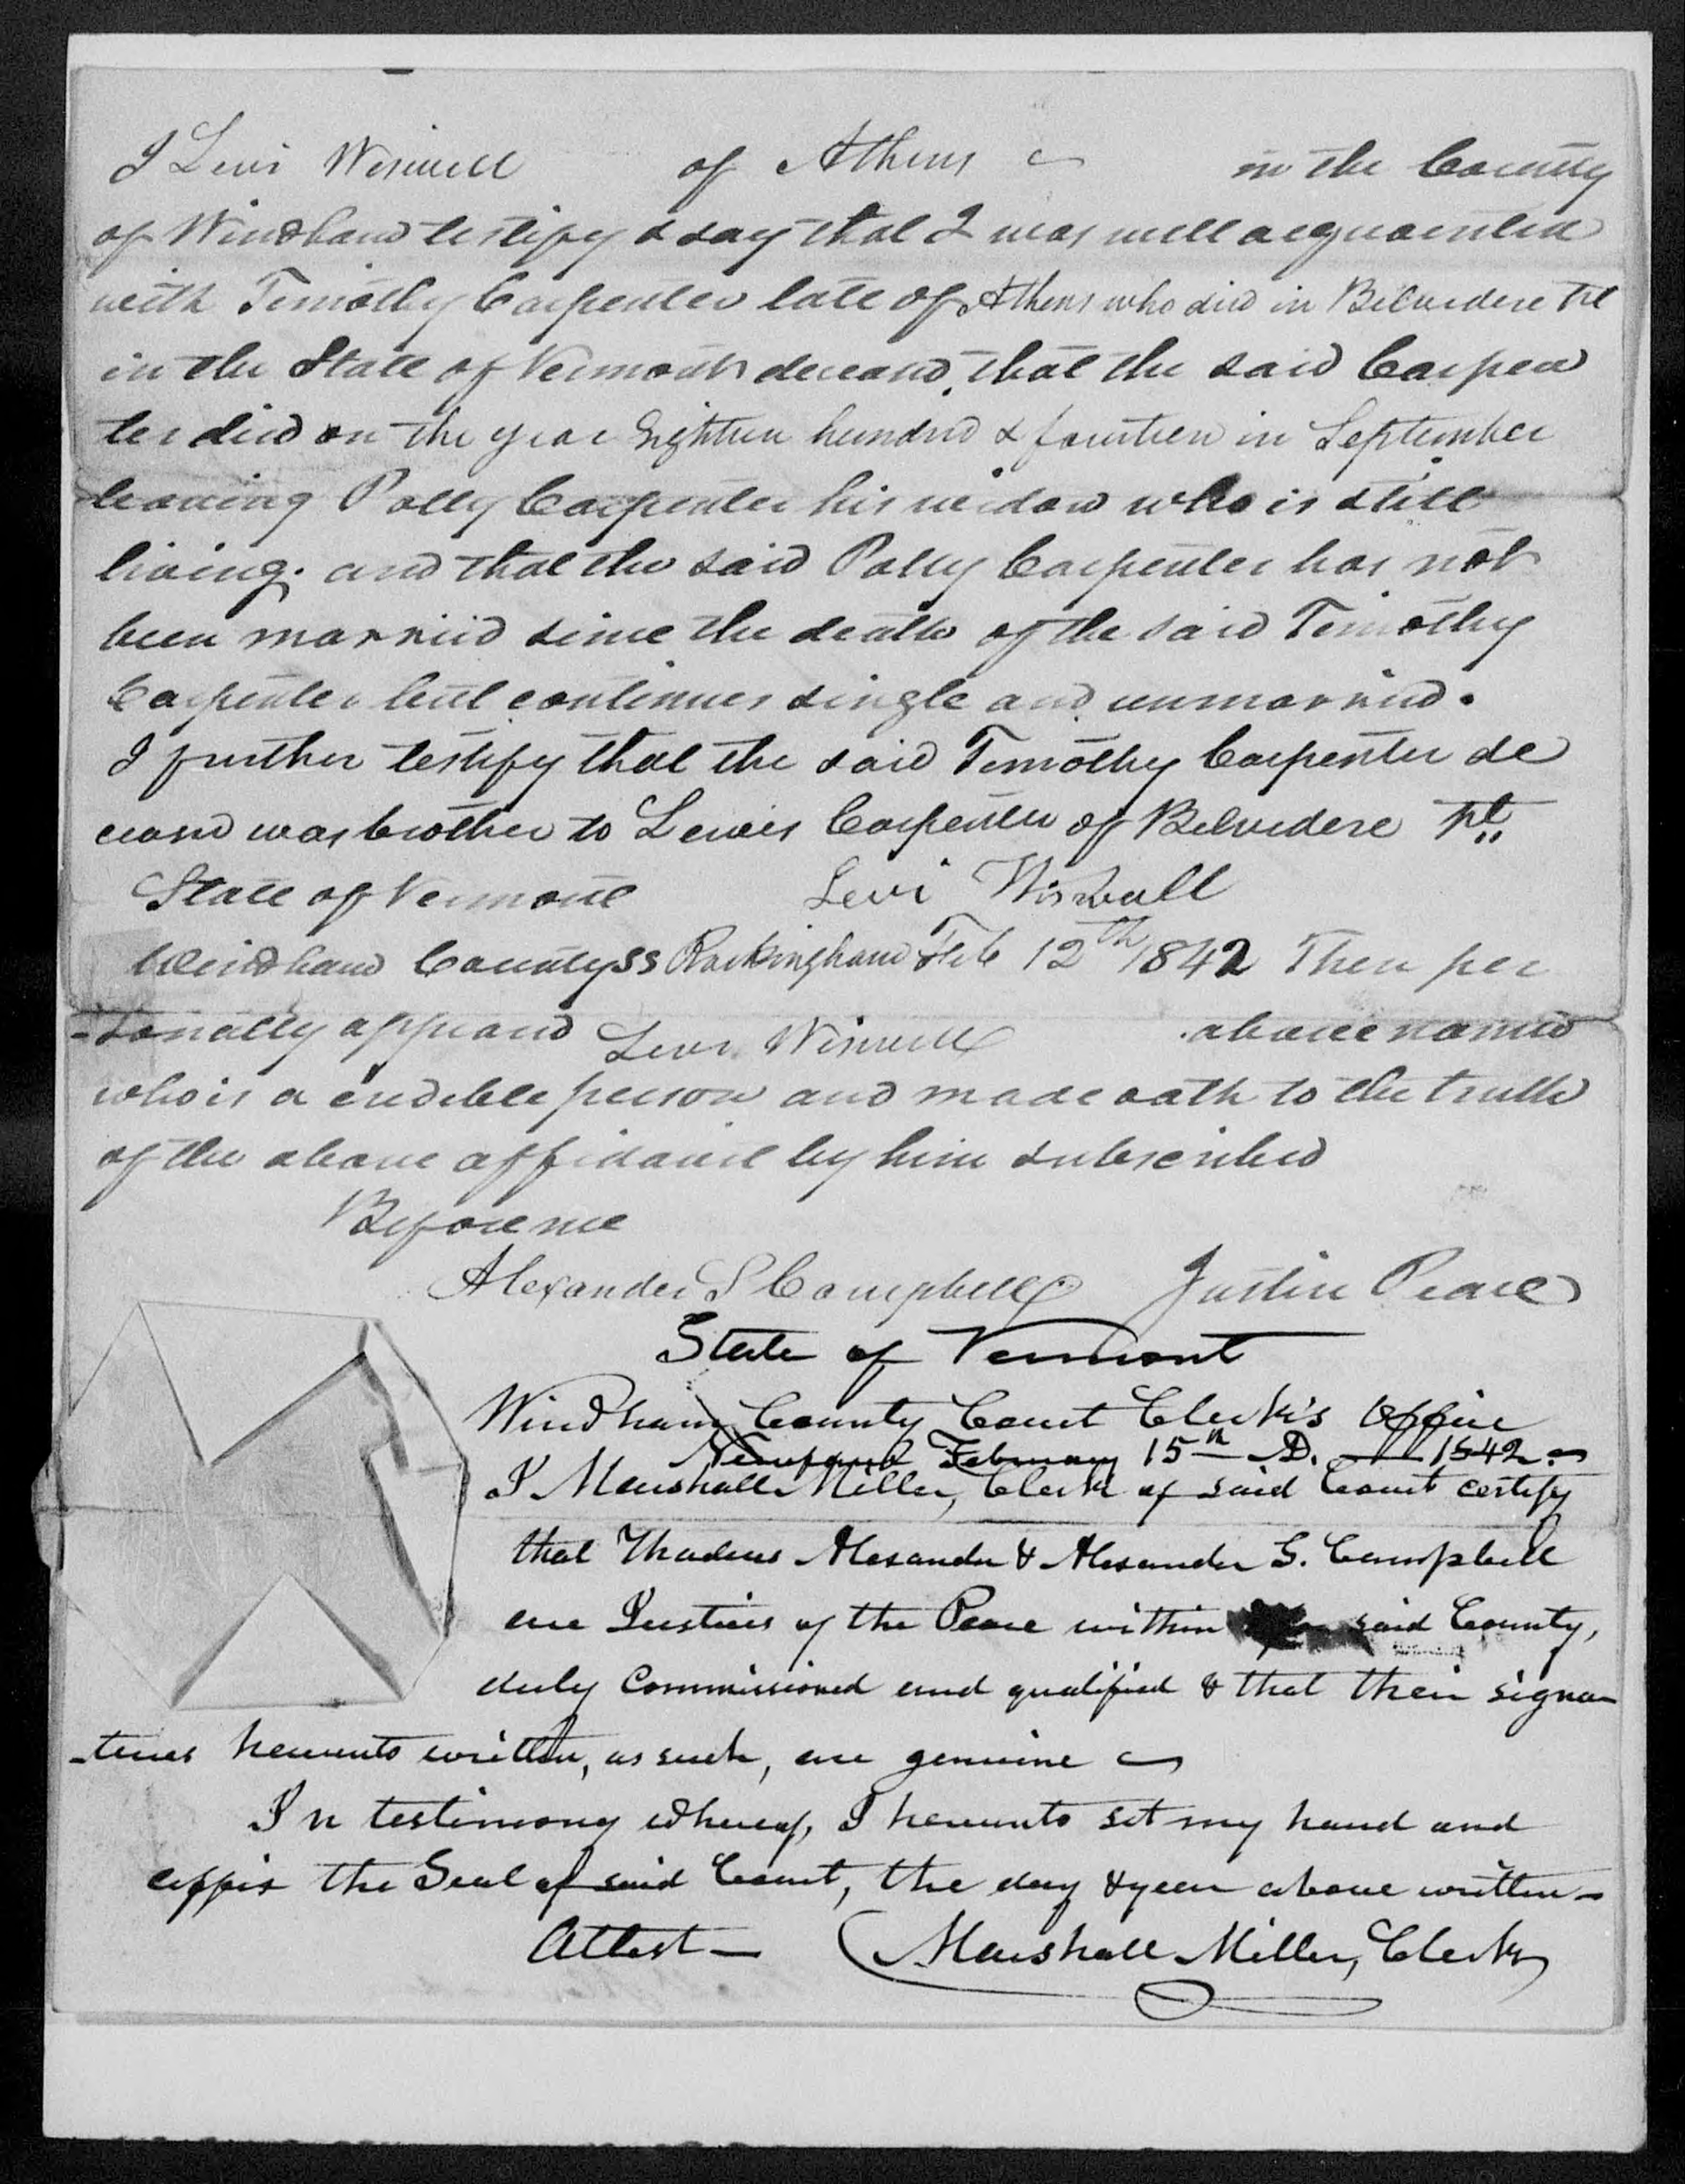I Levi Wiswell of Athens in the County of Windham testify + say that I was well acquainted with Timothy Carpenter late of Athens who died in Belvidere Vt in the State of Vermont deceased, that the said Carpenter died on the year eighteen hundred + fourteen in September leaving Polly Carpenter his widow who is still living and that the said Polly Carpenter has not been married since the death of the said Timothy Carpenter but continues single and unmarried. 
I further testify that the said Timothy Carpenter deceased was brother to Lewis Carpenter of Belvidere Vt /s/Levi Wiswell
State of Vermont
Windham County ss Rockingham Feb 12th 1842 
Then personally appeared Levi Wiswell above named who is a credible person and made oath to the truth of the above affidavit by him subscribed
Before me /s/Alexander S Campbell Justice Peace
State of Vermont
Windham County Court Clerk's Office Newfane February 15th AD. 1842
I Marshall Miller, Clerk of said Court certify that Thadeus Alexander & Alexander G. Campbell are Justices of the Peace within and for said County, duly commissioned and qualified & that their signatures hereunto written, as such are genuine - 
[court seal affixed] In testimony whereof, I hereunto set my hand and affix the Seal of said Court, the day + years above written - 
Attest - /s/Marshall Miller Clerk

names: Timothy Carpenter, Lewis Carpenter, Polly Carpenter, Alexander G Campbell, Timothy Carpenter, Levi Wiswell, Timothy Carpenter, Marshall Miller, Marshall Miller, Carpenter, Polly Carpenter, Thadeus Alexander, Levi Wiswall, Alexander S Campbell, Levi Wiswell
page: 10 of 41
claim: widow's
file: W. 15627, Timothy Carpenter, Vt.